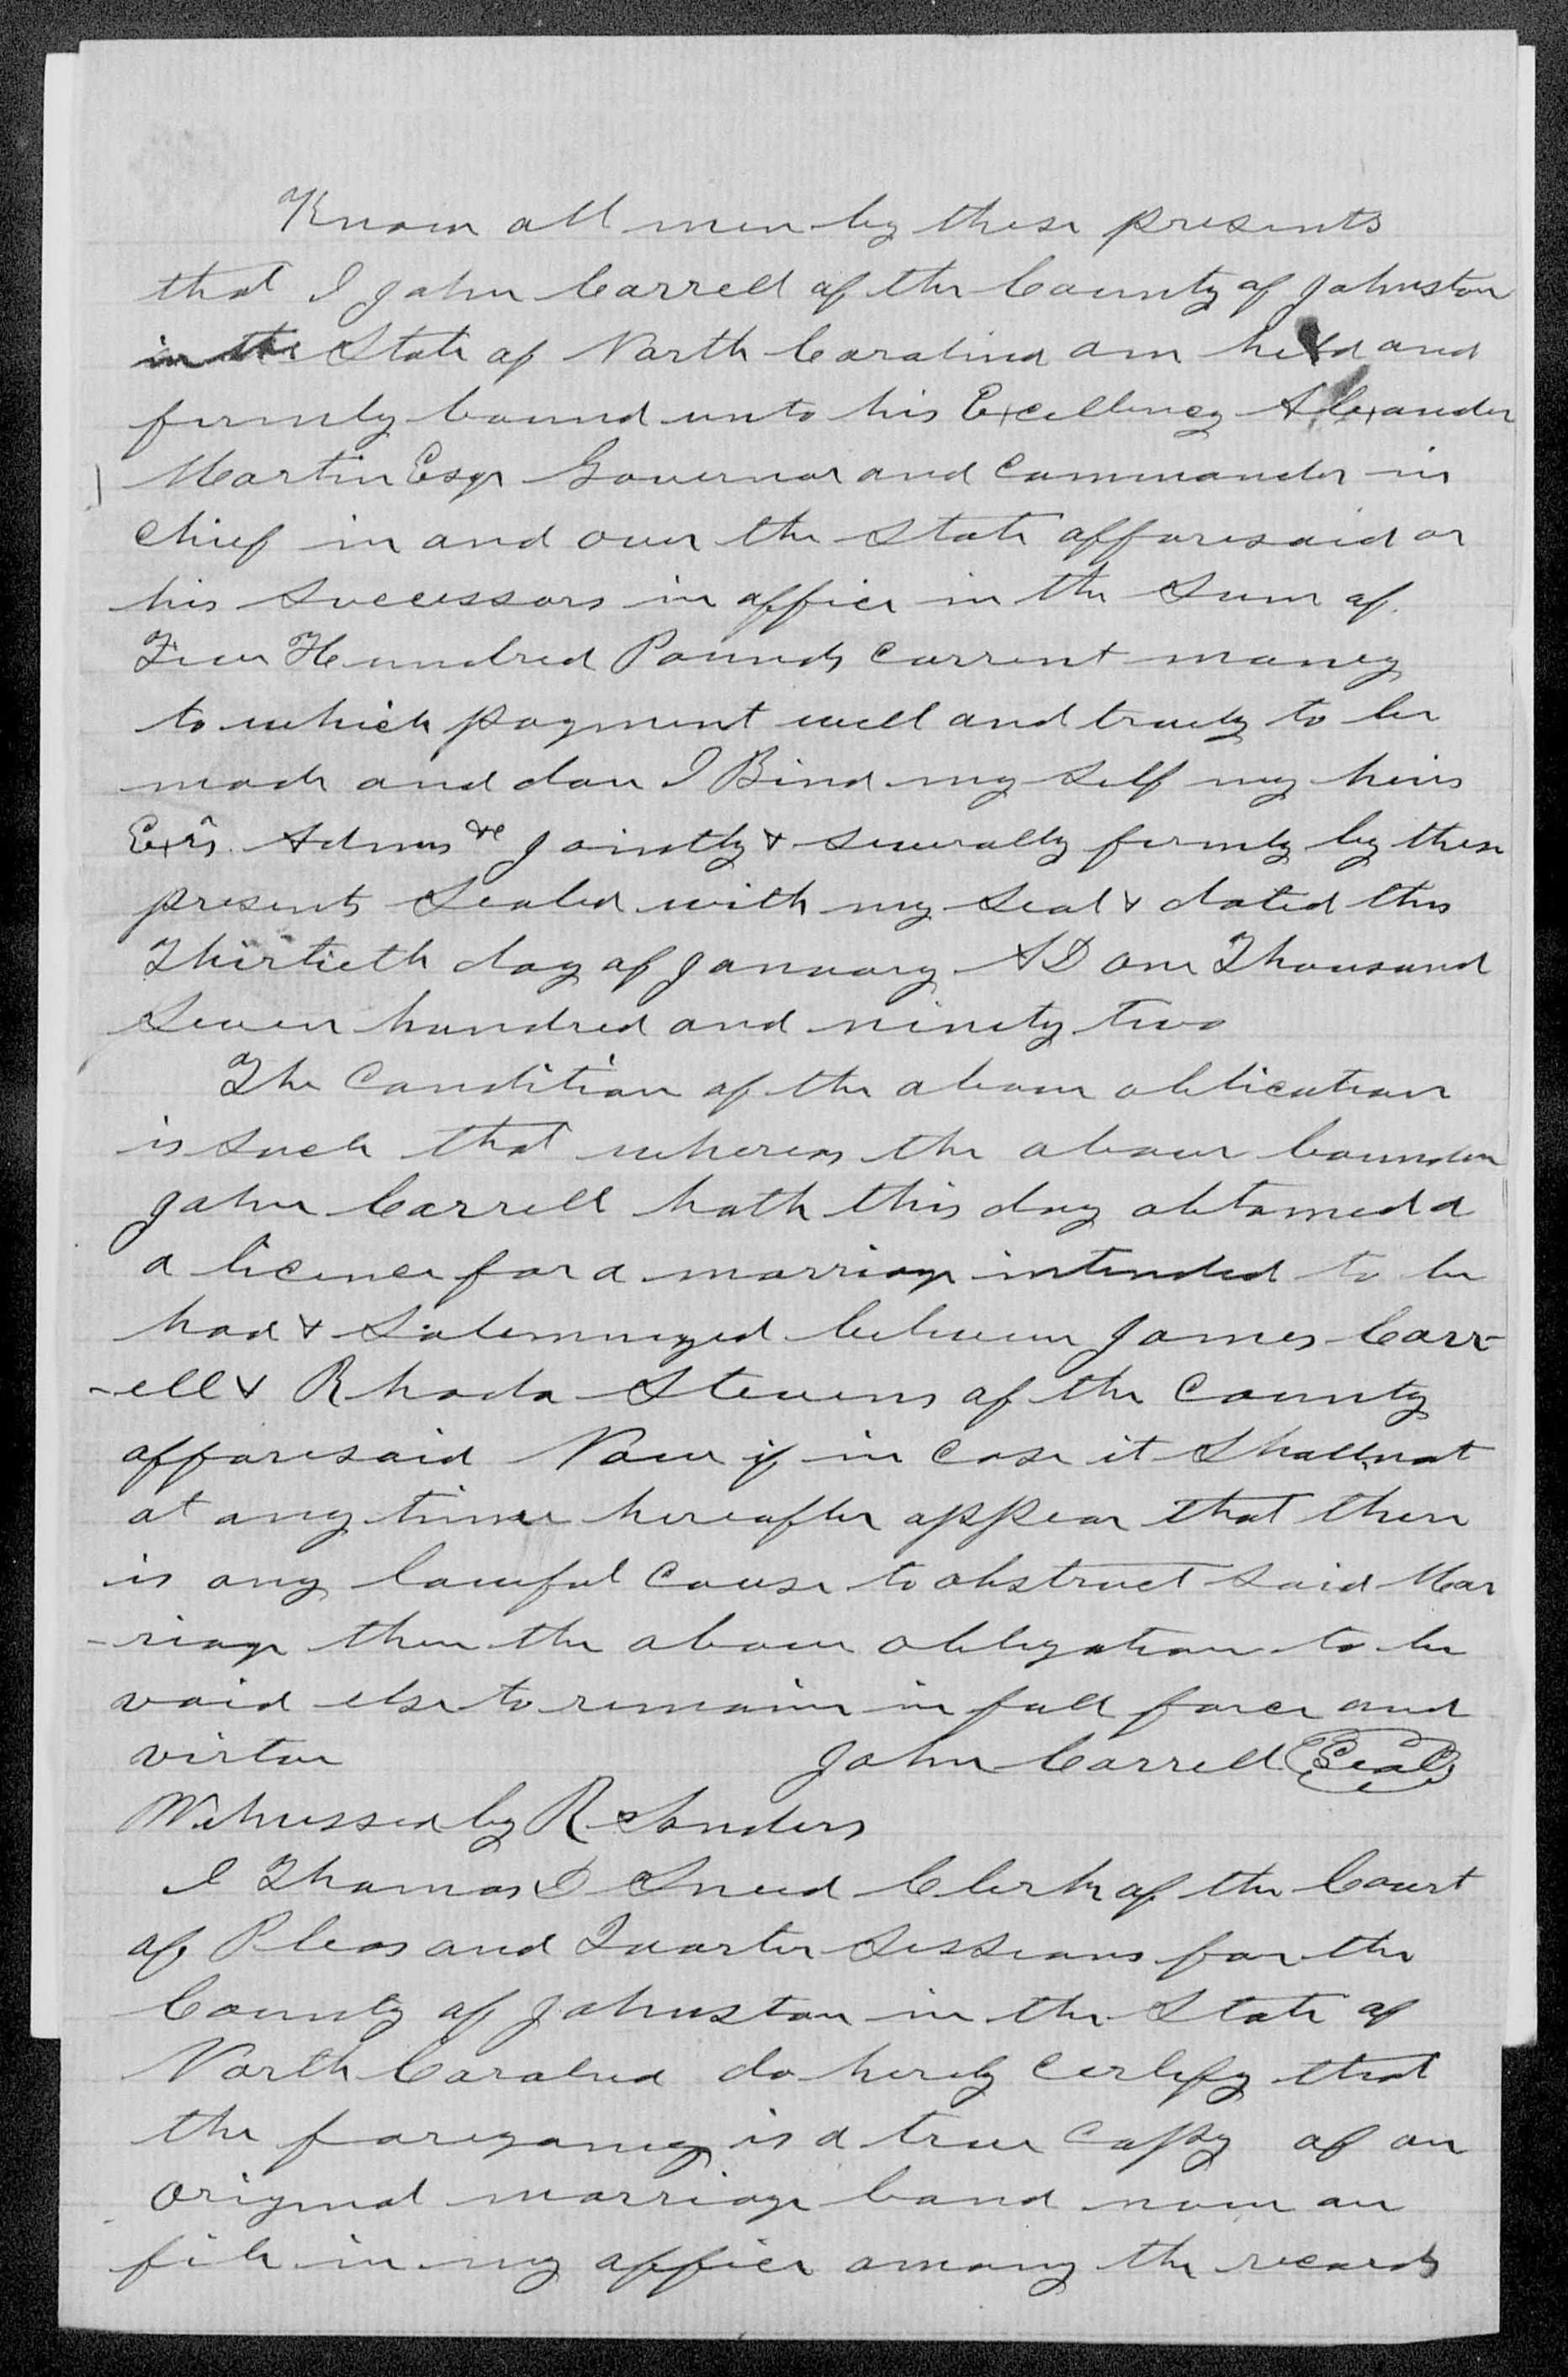Known all men to these presents that I John Carrell of the Count of Johnston in the State of North Carolina am held and firmly bound unto his Excellency Alexander Marting Esq Governor and commander in Chief in and our [four] the state aforesaid or his successors in office in the sum of Four Hundred pounds current money to which payment well and truly to be made and done I bind myself my heirs exrs adms and C jointly and [illegible] firmly by  these presents sealed with my seal and dated this thirtieth day of January AD one thousand seven hundred and ninety two.
the condition of the above application is such that  wherein the above bounden John Carrell hath this day attained a license for marriage intended to be had and solemnized between James Carrell and Rhoda Stevens of the county aforesaid [illegible] if in case it shall not at any time hereafter appear that there is any lawful cause to abstuct said marriage then the above obligation to her void else to remain in full force and virtue. John Carrell

Witnessed by R. Sanders
  I Thomas D. Sneed Clerk of the court of Pleas and quarter sessions for the county of Johnston in the state of North Carolina do hereby certify that the foregoing is a true copy of an original marriage band now on file in my office among the records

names: Rhoda Stevens, John Carrell, Thomas D Sneed, James Carrell, John Carrell, John Carrell, Alexander Martin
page: 10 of 86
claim: widow's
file: W. 6899, James Carrell, N.C.